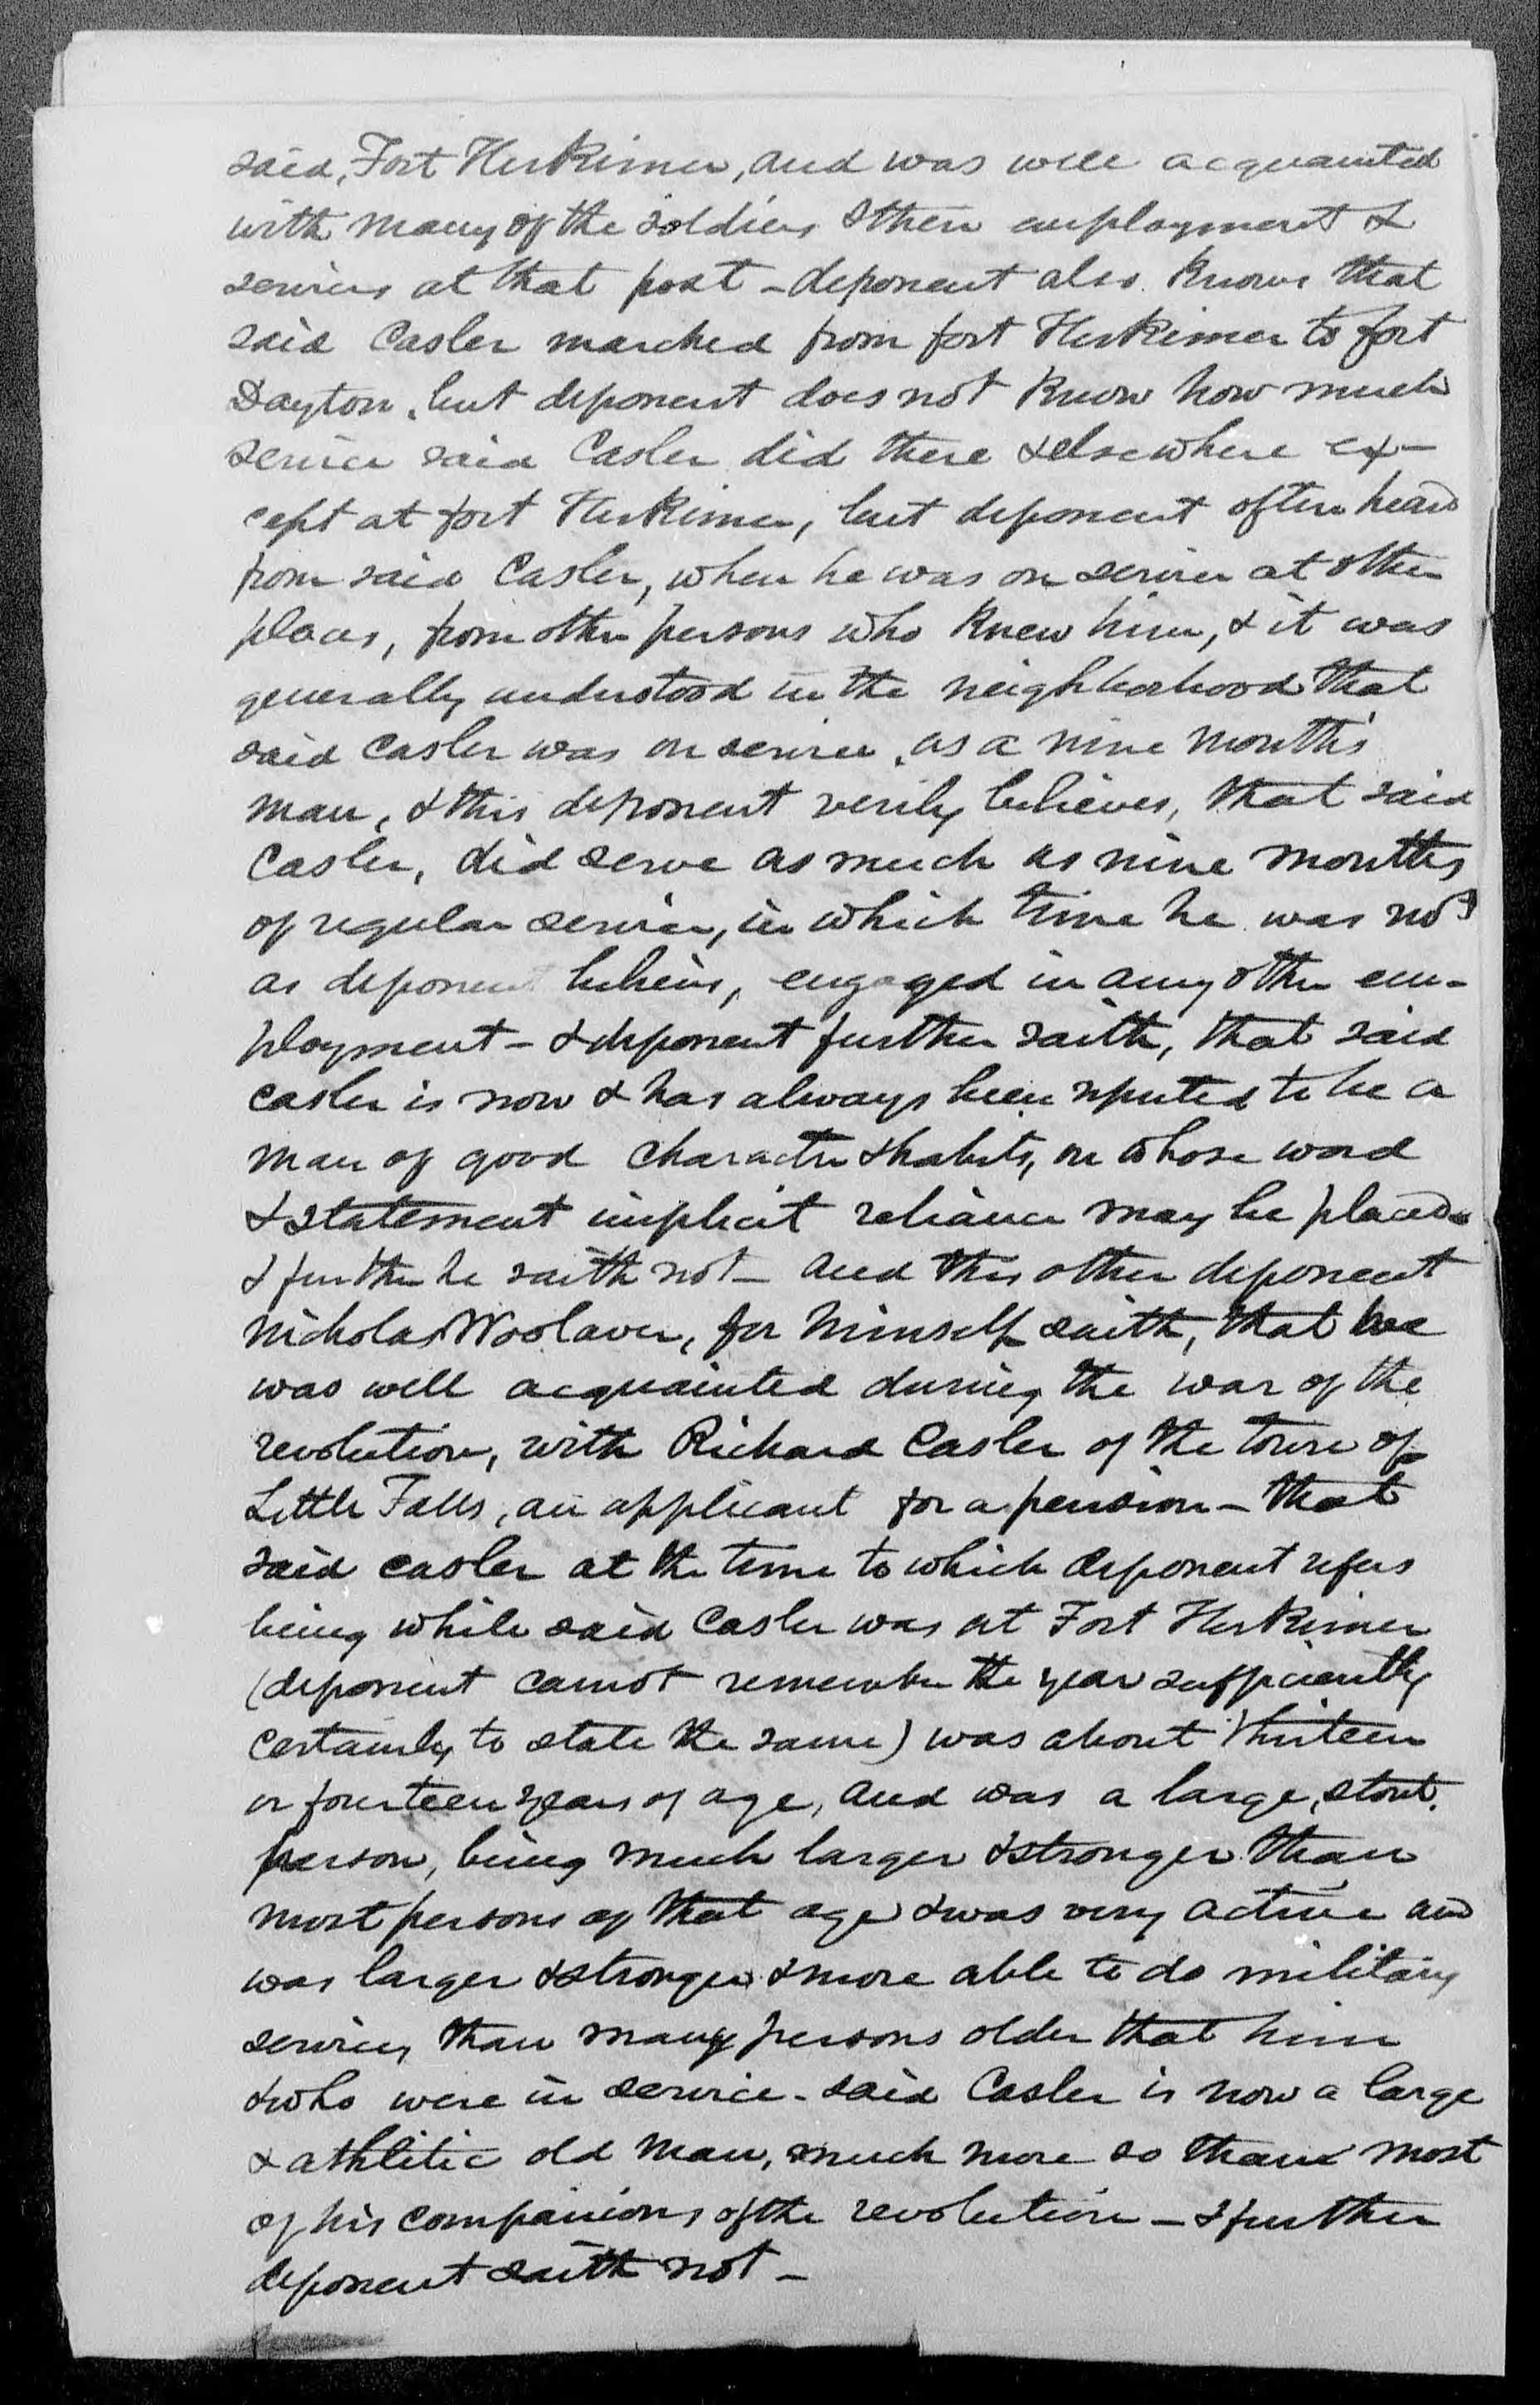said, Fort Herkimer, and was well acquainted with many of the soldiers & their employment & services at that post - deponent also knows that said Casler marched from fort Herkimer to fort Dayton, but deponent does not know how much service said Casler did there & elsewhere except at fort Herkimer, but deponent often heard from said Casler, when he was in service at other places, from other persons who knew him, & it was generally understood in the neighborhood that said Casler was on service as a nine month’s man, & this deponent verily believes, that said Casler, did serve as much as nine months of regular service, in which time he was not as deponent believes, engaged in any other employment - & deponent further saith, that said Casler is now & has always been reputed to be a man of good character & habits, on whose word & statement implicit reliance may be placed & further he saith not - and this other deponent Nicholas Woolaver, for himself saith, that her was well acquainted during the war of the revolution, with Richard Casler of the town of Little Falls, an applicant for a pension - that said Casler at the time to which deponent refers being while said Casler was at Fort Herkimer (deponent cannot remember the year sufficiently certainly to state the same) was about thirteen or fourteen years of age, and was a large stout person, being much larger & stronger than most persons of that age & was very active and was larger & stronger & more able to do military services the many persons older that him & who were in service. said Casler is now a large & athlitic old man, much more so than most of his companions of the revolution - & further deponent saith not -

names: Casler, Richard Casler, Casler, Casler, Casler, Casler, Casler, Casler, Nicholas Woolaver, Casler, Casler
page: 53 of 66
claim: widow's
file: W. 6637, Richard Caslar, New York